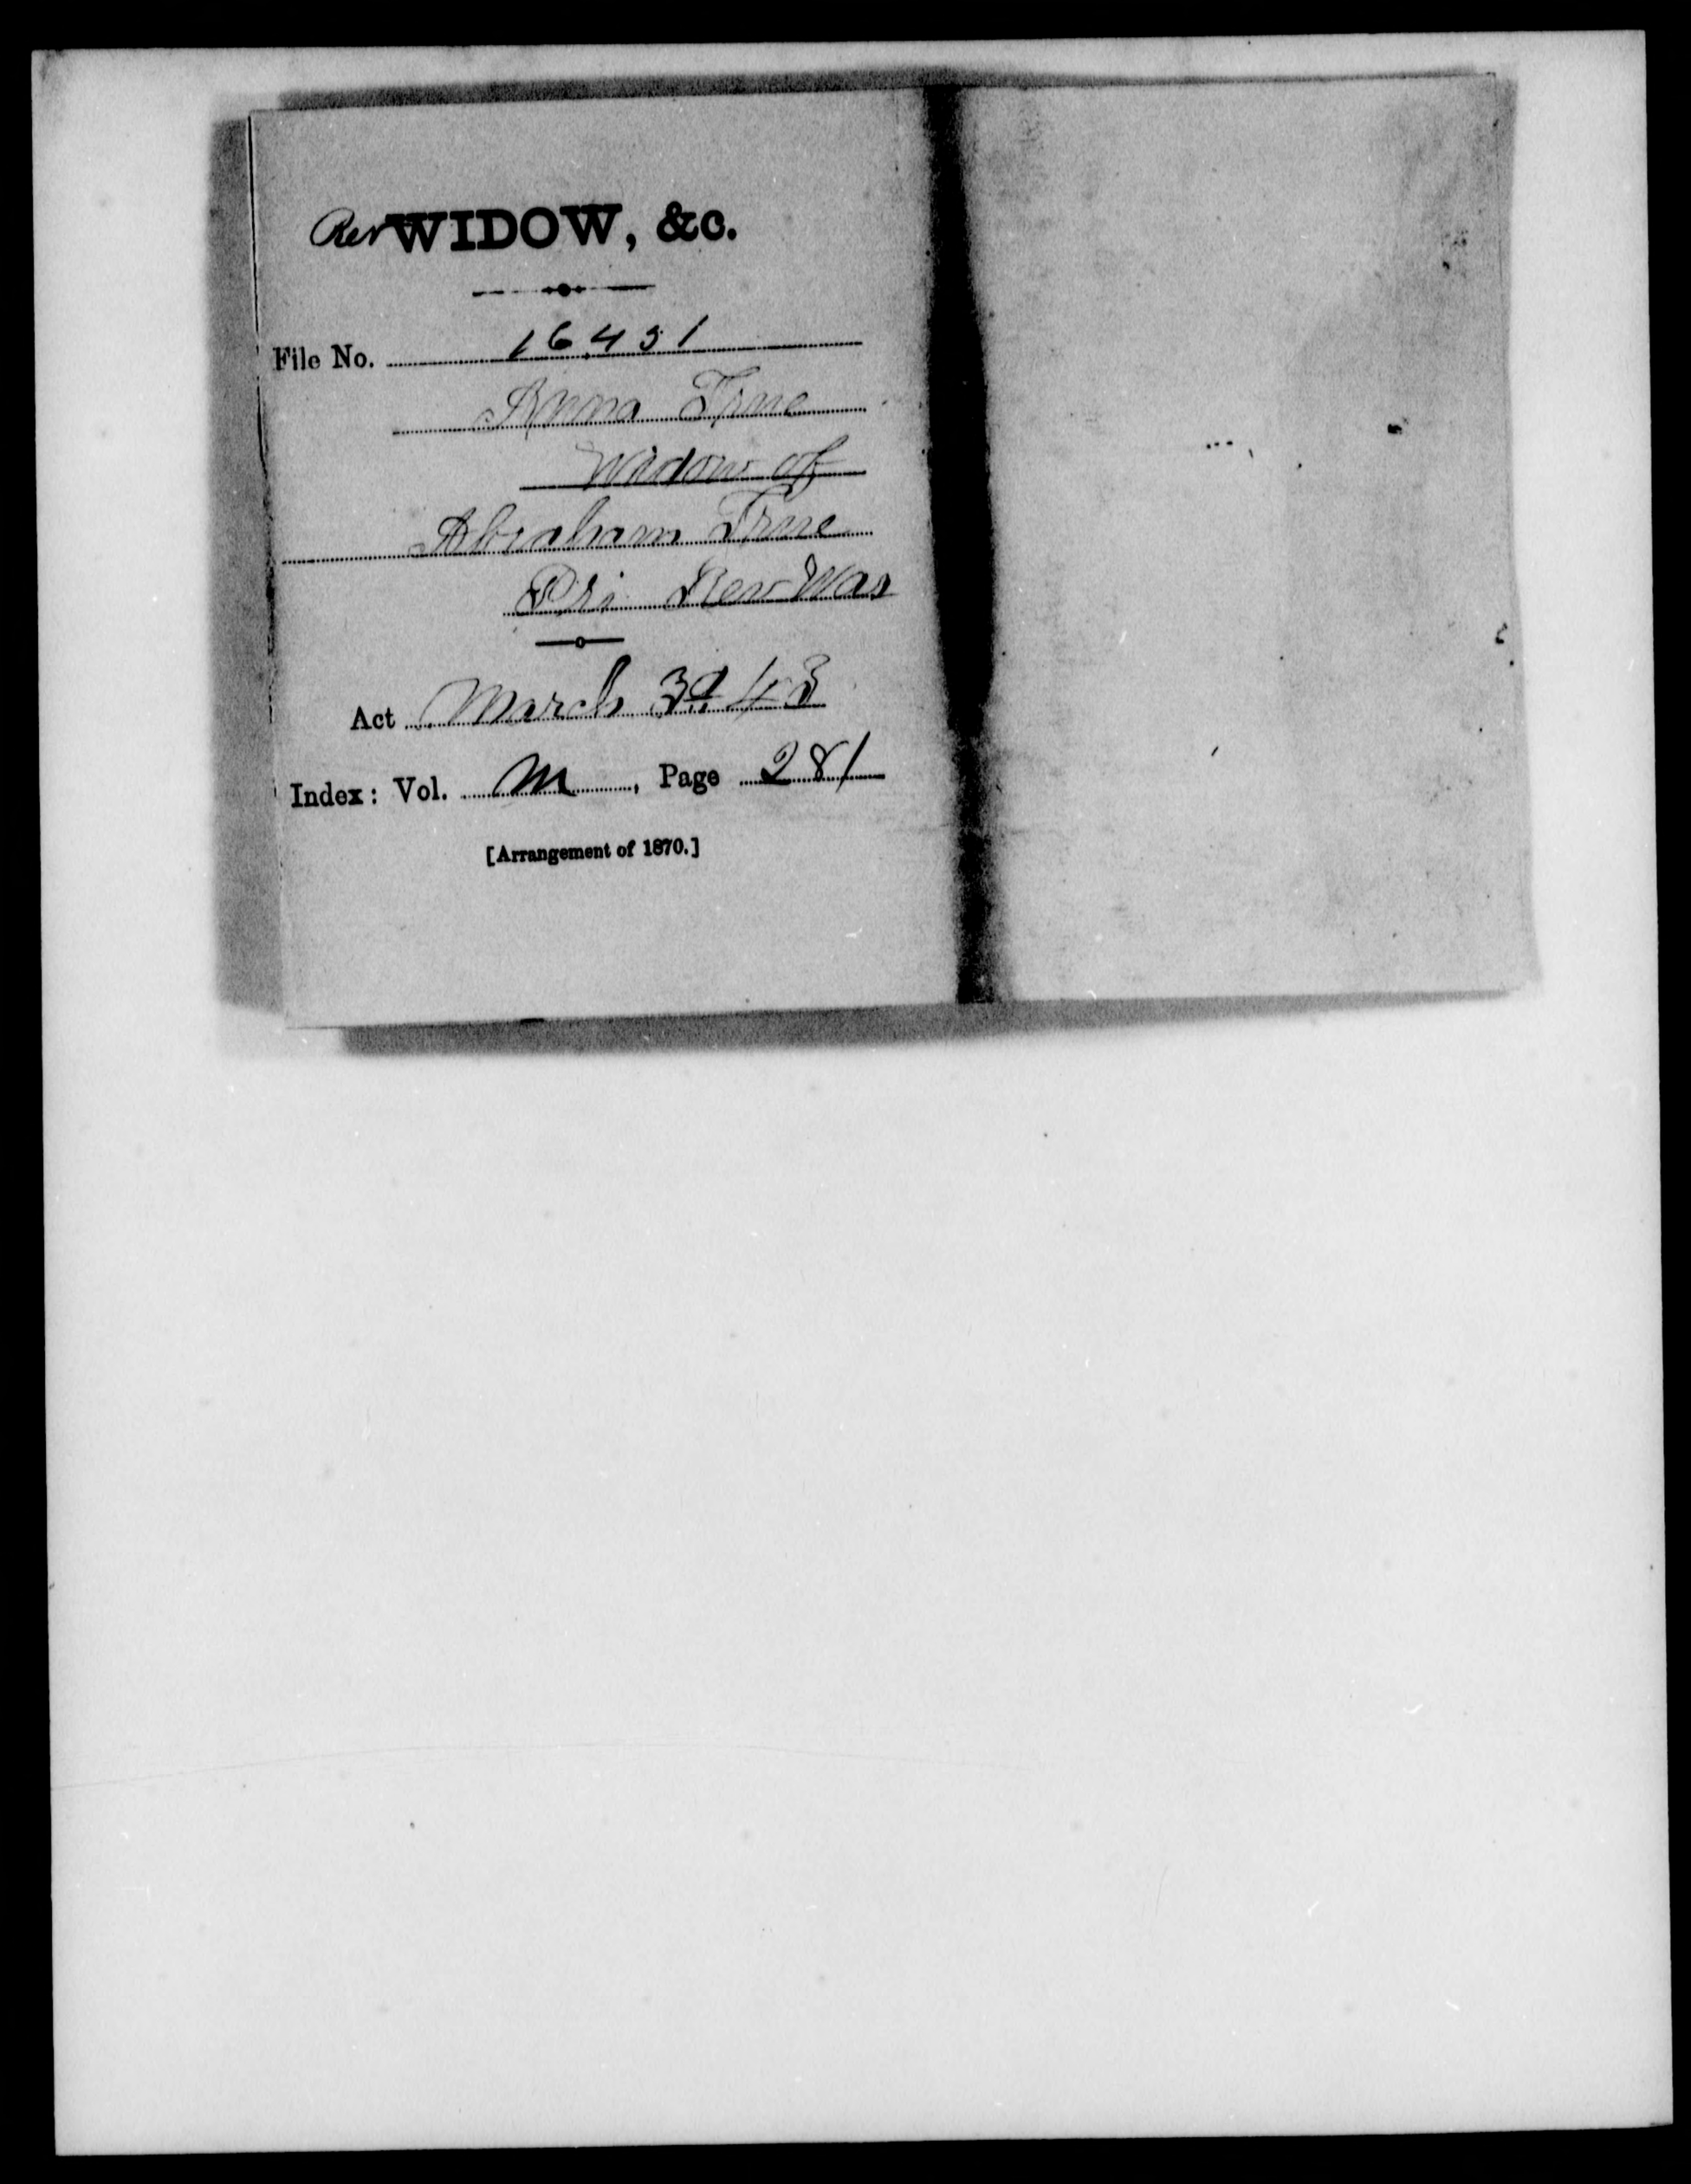Widow & c.
File 16401

Anna True
Widow of Abraham True
Private Rev War

acct. March 3 1943
Index: Vol M Page 281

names: Anna True, Abraham True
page: 16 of 24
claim: widow's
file: W. 16,451, Abraham True, N.H.